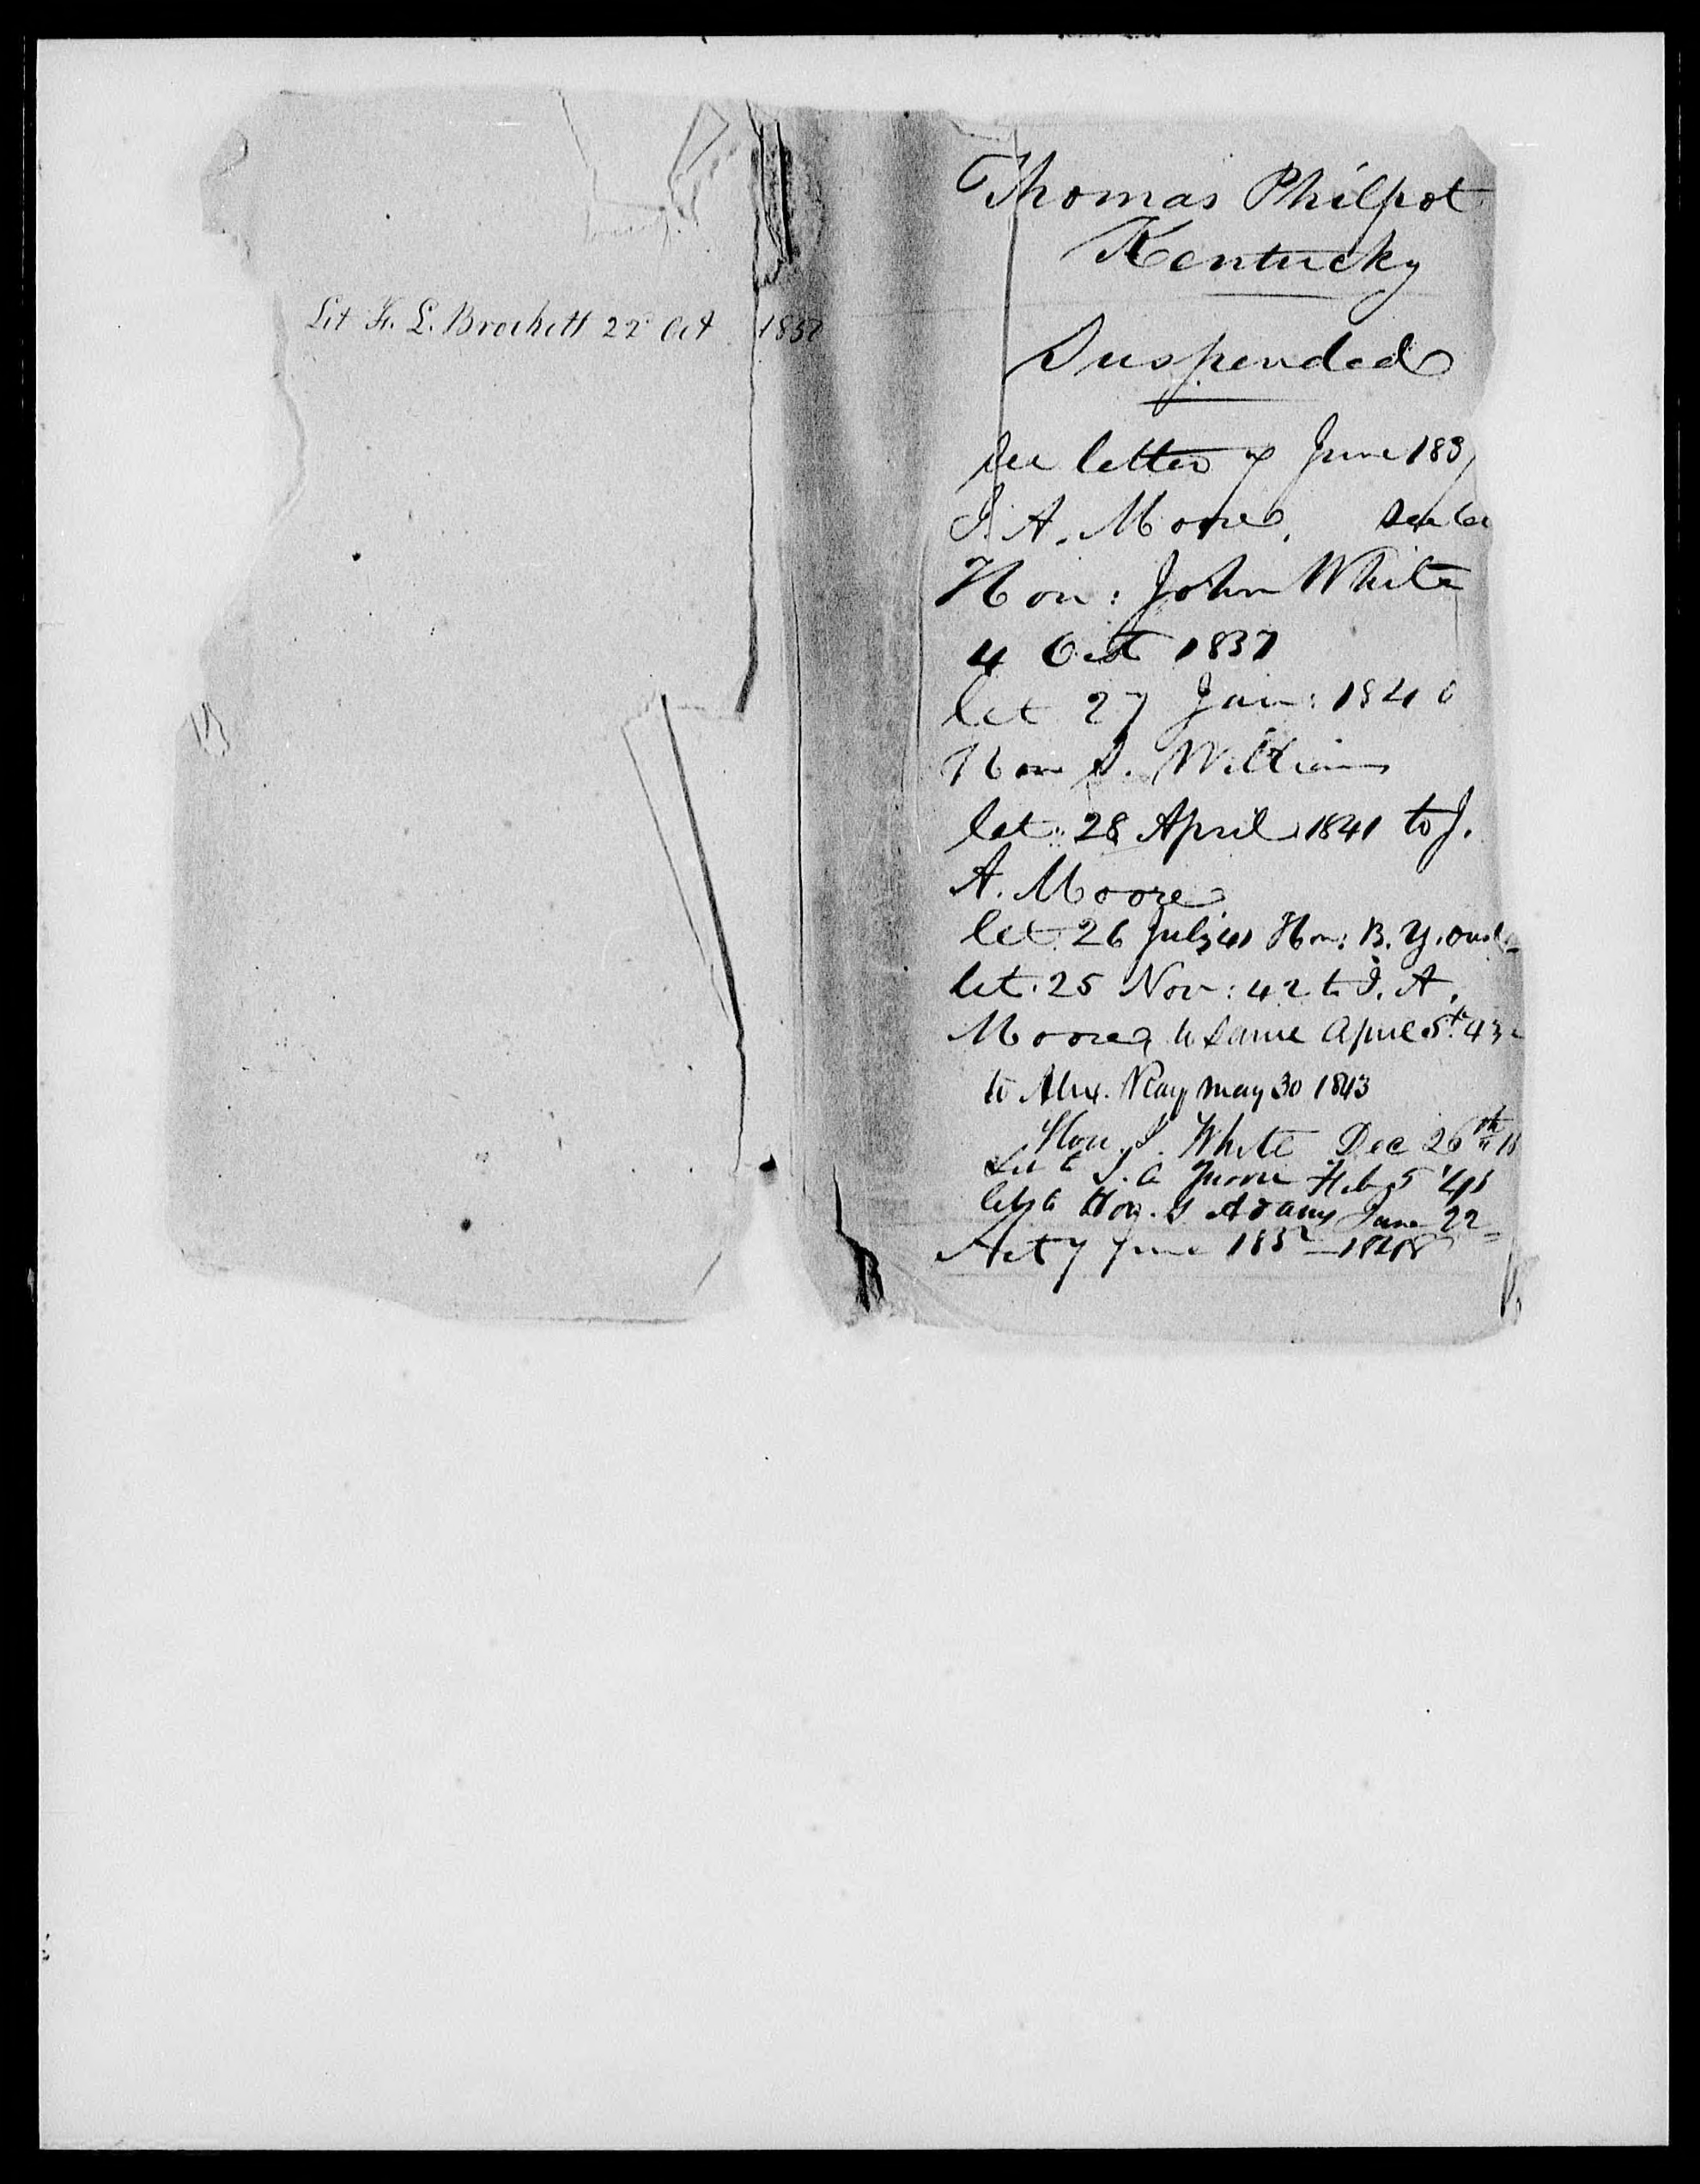Let fr L. Brockett 22d Oct 1850

Thomas Philpot Kentucky
Suspended
see letter of June 1839
J. A. Moore
see let Hon. John White 4 Oct 1837
let 27 Jan. 1840
Hon S Williams
let 28 April 1841 to J.A. Moore
let 26 July 6 '41 Hon. B.Y Owsley
let 25 Nov: 42 to J.A. Moore 
to same April 5th 43
to Alex. Ray May 30 1843
Hon. J. White Dec 26th 18_
let to Hon. G. Adams June 22
act of June 1832 19208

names: B Y Owsley; G Adams; J White; J A Moore; John White; Alex Ray; F L Brockett; Thomas Philpot; S Williams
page: 16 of 43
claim: rejected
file: R. 8217, for Thomas Philpot, South Carolina